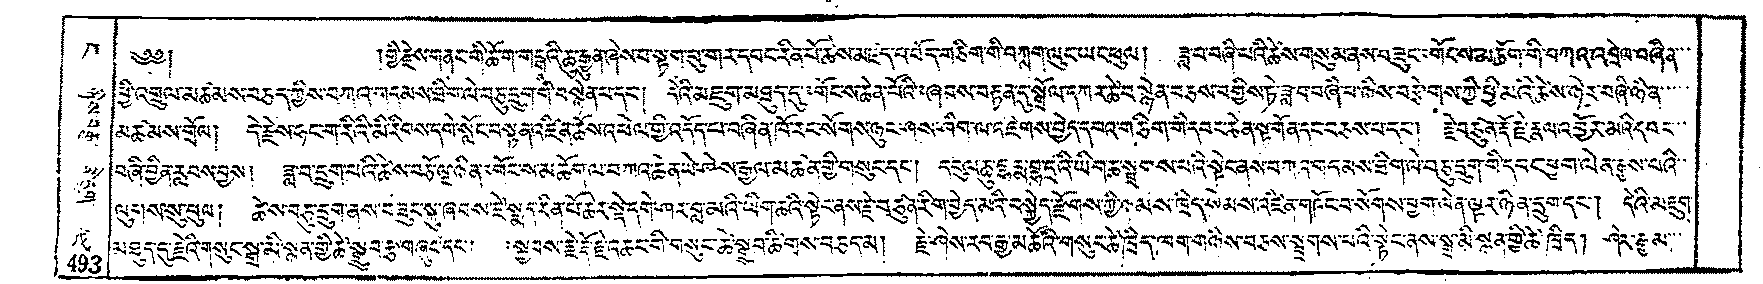༄༅། །གྱི་རྗེས་གནང་གི་ཆོ་ག་གངྒའི་ཆུ་རྒྱུན་ཞེས་པ་སྟག་ཕུ་གར་དབང་རིན་པོ་ཆེས་མཛད་པ་པོད་གཅིག་གི་བཀླག་ལུང་ཡང་ཕུལ། ཟླ་བ་བཞི་པའི་ཚེས་གསུམ་ནས་བཟུང་༧གོང་ས་མཆོག་གི་བཀའ་འབྲེལ་བཞིན་
ཕྱི་འགྲུལ་མཚམས་བཅད་ཀྱིས་བཀའ་གདམས་ཐིག་ལེ་བཅུ་དྲུག་གི་བསྙེན་པ་དང་། དེའི་མཇུག་མཐུད་དུ་༧གོང་ས་ཆེན་པོའི་༧ཞབས་བརྟན་དུ་སྒྲོལ་དཀར་ཚེ་བསྙེན་བཅས་བགྱིས་ཏེ་ཟླ་བ་བཞི་པ་ཉིས་བརྩེགས་ཀྱི་ཕྱི་མའི་ཚེས་ཉེར་བཞི་ཉིན་
མཚམས་གྲོལ། དེ་རྗེས་ཧང་ག་རིའི་མི་རིགས་དགེ་སློང་བསྟན་འཛིན་ཆོས་འཕེལ་གྱི་འདོད་པ་བཞིན་ཁོ་རང་སོགས་ཉུང་ཤས་ཤིག་ལ་འཇིགས་བྱེད་དཔའ་གཅིག་གི་དབང་ཆེན་སྟ་གོན་དང་བཅས་པ་དང་། རྗེ་བཙུན་རྡོ་རྗེ་རྣལ་འབྱོར་མའི་དབང་
བཞི་བྱིན་རླབས་བྱས། ཟླ་བ་དྲུག་པའི་ཚེས་བཅོ་ལྔ་ཉིན་༧གོང་ས་མཆོག་ལ་བཀའ་ཆེན་ཡེ་ཤེས་རྒྱལ་མཚན་གྱི་གསུང་དང་། དངུལ་ཆུ་དྷརྨ་བྷ་དྲའི་ཡིག་ཆ་སྦྲགས་པའི་སྟེང་ནས་བཀའ་གདམས་ཐིག་ལེ་བཅུ་དྲུག་གི་དབང་ཕྱག་ལེན་རྒྱས་པའི་
ལུགས་སུ་ཕུལ། ཚེས་བཅུ་དྲུག་ནས་བཟུང་སྐུ་ཞབས་ཛེ་སྨད་རིན་པོ་ཆེར་སྡེ་དགེ་ཤར་བླ་མའི་ཡིག་ཆའི་སྟེང་ནས་རྗེ་བཙུན་རིག་བྱེད་མའི་བསྐྱེད་རྫོགས་ཀྱི་ཉམས་ཁྲིད་སེམས་འཛིན་གཏོང་བ་སོགས་ཕྱག་ལེན་ལྟར་ཉིན་དྲུག་དང་། དེའི་མཇུག་
མཐུད་དུ་རྗེའི་གསུང་སྒྲ་མི་སྙན་གྱི་ཚེ་སྒྲུབ་རྩ་གཞུང་དང་། ༧སྐྱབས་རྗེ་རྡོ་རྗེ་འཆང་གི་གསུང་ཚེ་སྒྲུབ་ཚིགས་བཅད་མ། རྗེ་ཤེས་རབ་རྒྱ་མཚོའི་གསུང་ཚེ་ཁྲིད་ཁག་གཉིས་བཅས་སྦྲགས་པའི་སྟེང་ནས་སྒྲ་མི་སྙན་གྱི་ཚེ་ཁྲིད། ཤེར་རྒྱམ་